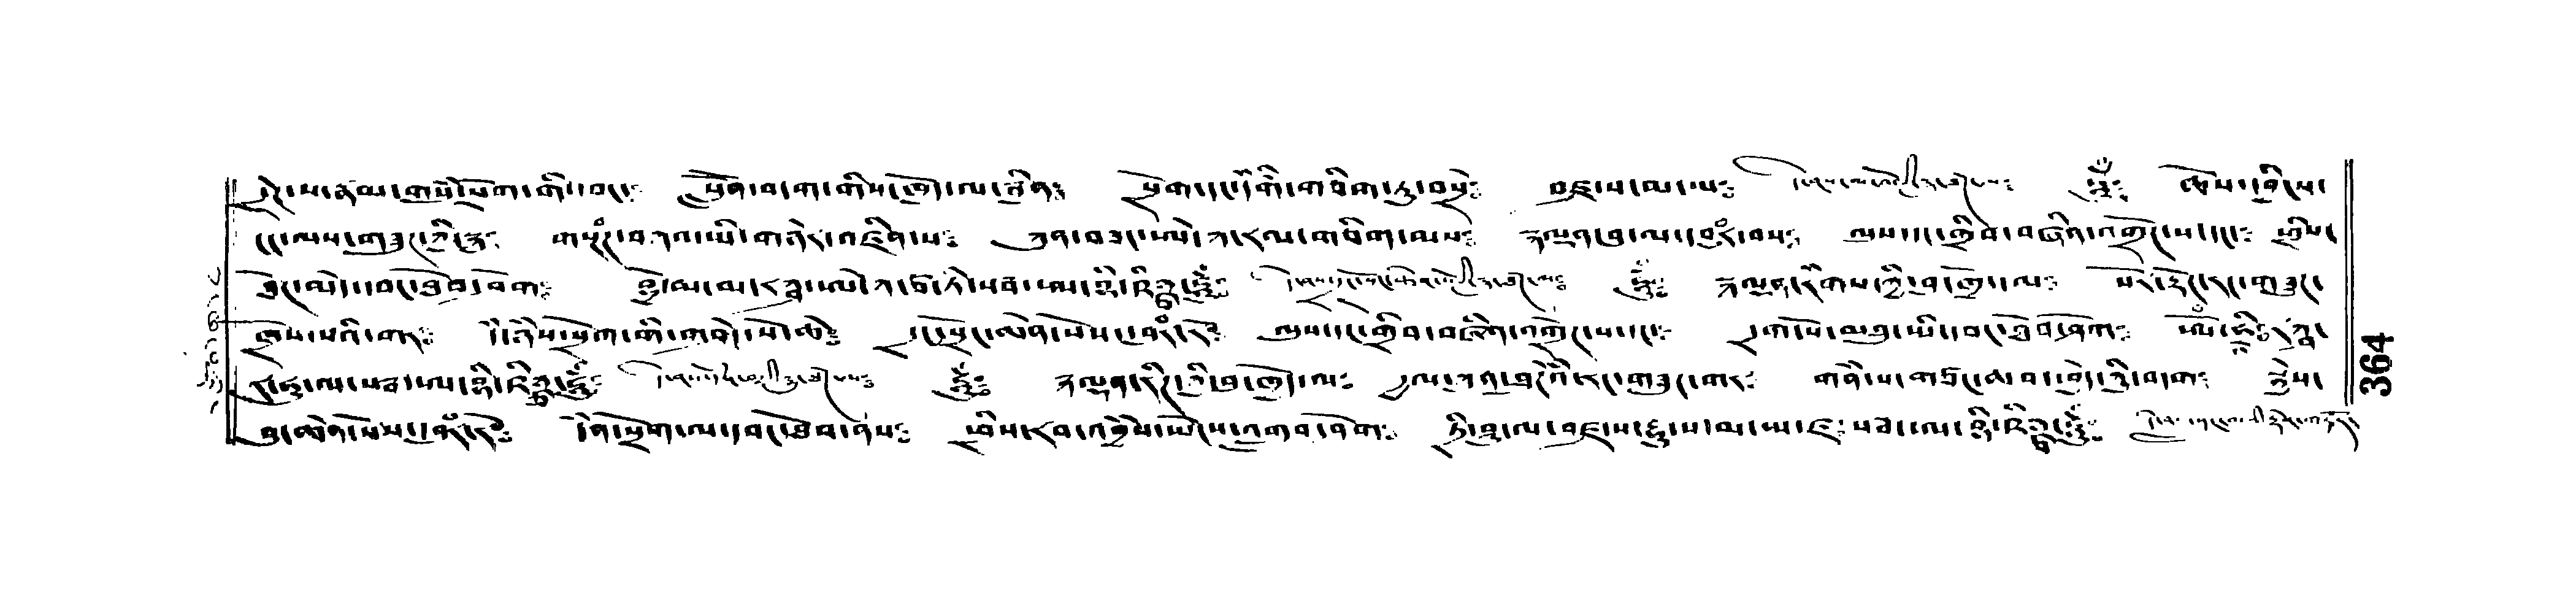དྲེགས་པ་རྣམ་གསུམ་སྲོག་གི་དབང༔ སློབ་དཔོན་བདག་གིས་ཁྱོད་ལ་སྦྱིན༔ སྲོག་དང་དམ་ཚིག་གཅིག་ཏུ་བསྲེ༔ བཛྲ་ས་མ་ཡ༔ དེ་ནས་མ་མོའི་སྐུ་ཐོགས་ལ༔ ཧཱུྃ༔ ཆོས་དབྱིངས་
ངང་ལས་གཟུགས་ཀྱི་སྐུ༔ གསང་སྔགས་བཀའ་ཡི་གཉེར་འཛིན་པ༔ ཀུན་བཟང་ཨེ་ཀ་རལ་གཅིག་མས༔ སྐལ་ལྡན་བུ་ལ་དབང་བསྐུར་བས༔ ལུས་དག་གྲིབ་བཞིན་འགྲོགས་པ་དང༔ ཕྲིན་
ལས་ཐོགས་མེད་དབང་ཐོབ་ཤོག༔ བྷྱོ་མ་མ་རཀྵ་ཨེ་ཀ་ཙ་ཏི་སརྦ་ཨ་བྷི་རིཉྩ་ཧཱུྃ༔དེ་ནས་དྲང་སྲོང་ཆེན་པོའི་སྐུ་ཐོགས་ལ༔ ཧཱུྃ༔ སྐལ་ལྡན་རིགས་ཀྱི་བུ་ཁྱོད་ལ༔ སོར་རྟོགས་རང་གཟུགས་
ཁྲོས་པའི་གར༔ དམ་ཉམས་སྲོག་གི་གཤཻད་པོ་ཆེ༔ དྲང་སྲོང་ཆེན་པོས་དབང་བསྐུར་རོ༔ ལུས་དང་གྲིབ་བཞིན་འགྲོགས་པ་དང༔ དྲག་པོ་མཐུ་ཡི་དབང་ཐོབ་ཤོག༔ ཨོཾ་ཧྲཱིཿརཀྵ་
ར་ཧུ་ལ་སརྦ་ཨ་བྷི་རིཉྩ་ཧཱུྃ༔ དེ་ནས་དམ་ཅན་གྱྀ་སྐུ་ཐོགས་ལ༔ ཧཱུྃ༔ སྐལ་ལྡན་རིགས་ཀྱི་བུ་ཁྱོད་ལ༔ རྒྱལ་ཀུན་ཐུགས་རྗེའི་རང་གཟུགས་གར༔ གནམ་ས་གཙང་ཆབ་ཕྱེད་ཀྱི་བདག༔ སྐྱེས་
བུ་ཆེན་པོས་དབང་བསྐུར་རོ༔ དམ་ཅན་སྲོག་ལ་དབང་ཐོབ་ནས༔ ཕྲིན་ལས་རབ་འབྱམས་ཡོངས་འགྲུབ་ཤོག༔ ཏྲི་ཤུ་ལ་བཛྲ་ས་དྷུ་ས་མ་ཡ་ཛཿསརྦ་ཨ་བྷི་རིཉྩ་ཧཱུྃ༔ དེ་བས་སྲུང་མའི་རྟེན་གཏོར་